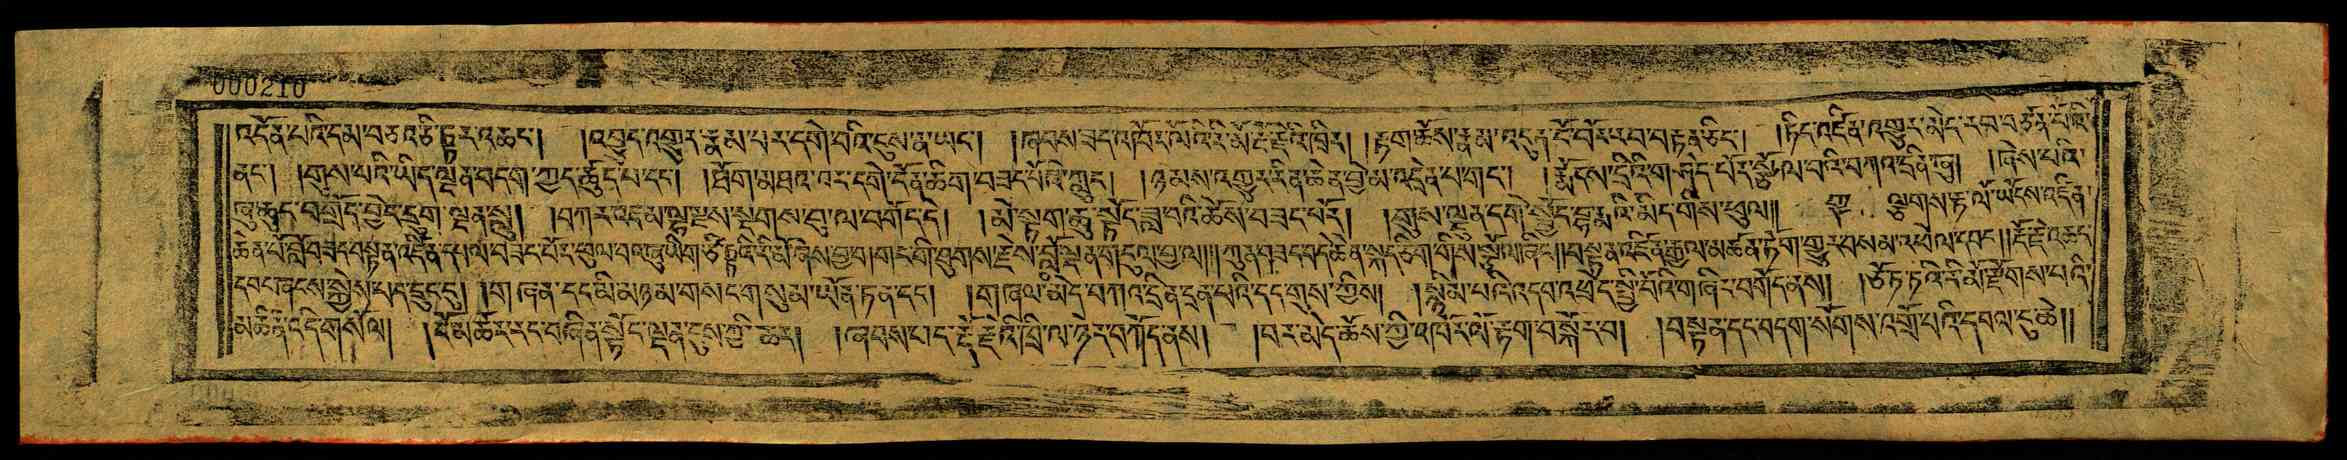འདོན་པའི་དམ་བཅའ་ཙིཏྟྲ་འཆང་། །འབྱུང་འགྱུར་རྣམ་པར་དགེ་བའི་དུས་ན་ཡང་། །ཞབས་ཟུང་འཁོར་ལོའི་རི་མོ་རྡོ་རྗེའི་ཁྲིར། །རྟག་ཆོས་རྣམ་བདུན་ངོ་བོར་རབ་བརྟན་ཅིང་། །ཏིང་འཛིན་འགྱུར་མེད་ར་བ་བཙན་པོའི་
ནང་། །གུས་པའི་ཡིད་ལྡན་བདག་ཀྱང་ཆུང་པ་དང་། །ཐོག་མཐའ་བར་དགེ་དོན་ཚིག་བཟང་པོའི་ཀླུང་། །ཉམས་འགྱུར་རིན་ཆེན་བྱེ་མ་འདྲེན་པ་གང་། །རྨོངས་དྲིའི་གཤེད་པོར་སྩོལ་བའི་བཀའ་དྲིན་ཞུ། །ཞེས་པའི་
ཞུ་ཆུང་བགྲོད་བྱེད་དྲུག་ལྡན་གླུ། །དཀར་འཇམ་ལྷ་རྫས་སྟེགས་བུ་ལ་བཀོད་དེ། །མེ་སྟག་ཆུ་སྟོང་ཟླ་བའི་ཚེས་བཟང་པོར། །གུས་ལྡན་དགེ་སྦྱོང་དྷརྨའི་མིང་གིས་ཕུལ།། འ་ལྕགས་རྟ་ལོ་ཡོངས་འཛིན་
ཆེན་པོ་བློ་བཟང་བསྟན་འཇམ་དཔལ་བཟང་པོར་ཕུལ་བའི་ཞུ་ཡིག་ཙི་ཏྟའི་རི་མོ་ཞེས་བྱ་བ། གང་གི་ཐུགས་རྗེས་བློ་ལྡན་གདུལ་བྱ་ལ། །ཀུན་བཟང་བ་དེ་ཆེན་སྐད་ཅིག་གིས་སྩོལ་ཞིང་། །བསྟན་འཛིན་རྒྱལ་མཚན་ཏོག་གྱུར་བསམ་འཕེལ་དབང་། །རྡོ་རྗེ་འཆང་
དབང་ཞབས་སྐྱེས་པད་དྲུང་དུ། །གཞན་དང་མི་མཉམ་གསང་གསུམ་ཡོན་ཏན་དང་། །གཞལ་མེད་བཀའ་དྲིན་དྲན་པའི་དང་གུས་ཀྱིས། །སྙམ་པའི་འདབ་འཕྲེང་སྤྱི་བོའི་གཞིར་བཀོད་ནས། །ཙིཏ་ཏའི་རི་མོ་རྫོགས་པའི་
མཆིད་འདི་གསོལ། །ངོ་མཚར་རང་བཞིན་སྟོང་ལྡན་དུས་ཀྱི་ཆར། །ཞབས་བད་རྡོ་རྗེའི་ཁྲི་ལ་ཉེར་བཀོད་ནས། །བར་མེད་ཆོས་ཀྱི་འཁོར་ལོ་རྟག་བསྐོར་བ། །བསྟན་དང་བདག་སོགས་འགྲོ་བའི་དཔལ་དུ་ཆེ།།